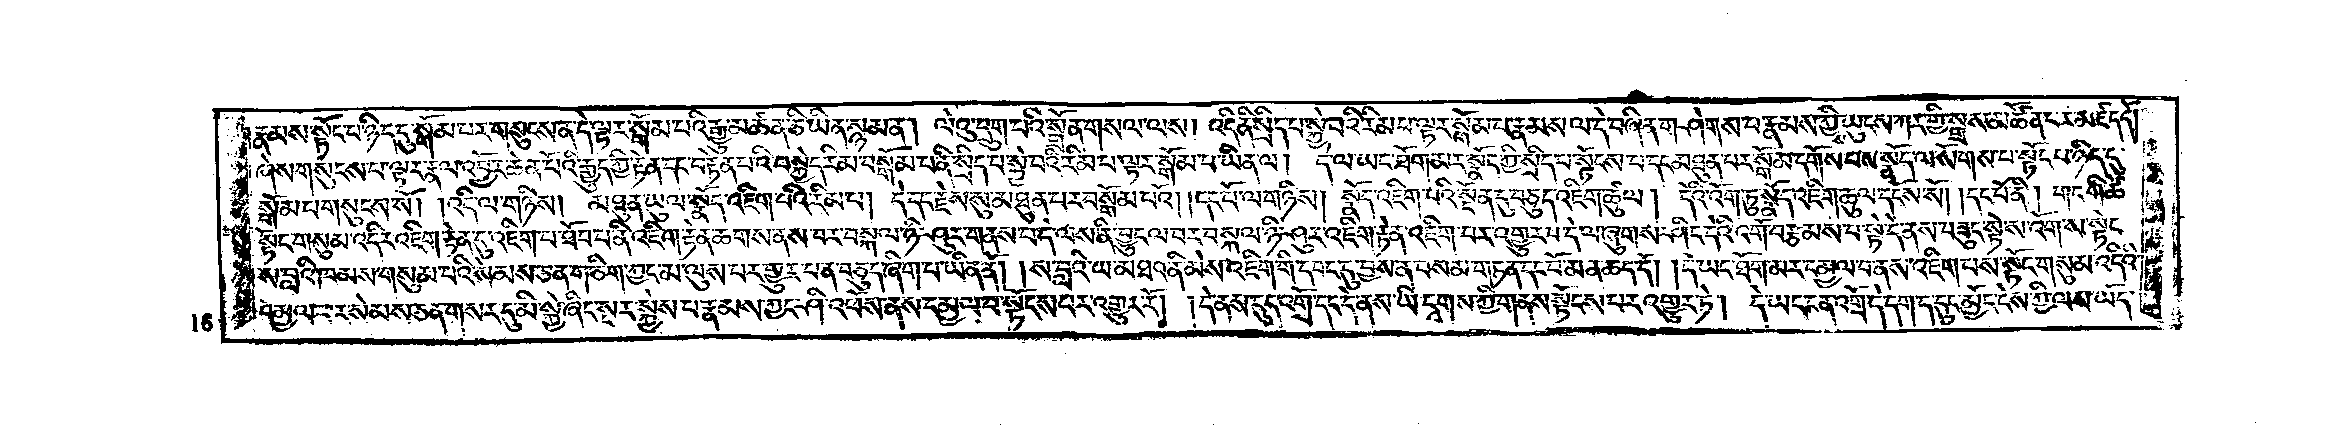རྣམས་སྟོང་པ་ཉིད་དུ་སྒོམ་པར་གསུངས་ན་དེ་ལྟར་སྒོམ་པའི་རྒྱུ་མཚན་ཅི་ཡིན་སྙམ་ན། ལེའུ་དྲུག་པའི་སྒྲོན་གསལ་ལས། འདི་ནི་སྲིད་པ་སྐྱེ་བའི་རིམ་པ་ལྟར་སྒོམ་པ་རྣམས་ལ་དེ་བཞིན་གཤེགས་པ་རྣམས་ཀྱིས་ཡུངས་ཀར་གྱི་སྒྲས་མཚོན་པར་མཛད་དེ།
ཞེས་གསུངས་པ་ལྟར་རྣལ་འབྱོར་ཆེན་པོའི་རྒྱུད་ཀྱི་རྟེན་དང་བརྟེན་པའི་བསྐྱེད་རིམ་བསྒོམ་པ་ནི་སྲིད་པ་སྐྱེ་བའི་རིམ་པ་ལྟར་སྒོམ་པ་ཡིན་ལ། དེ་ལ་ཡང་ཐོག་མར་སྣོད་ཀྱི་སྲིད་པ་སྟོངས་པ་དང་མཐུན་པར་སྒོམ་དགོས་པས་སྣོད་ལ་སོགས་པ་སྟོང་པ་ཉིད་དུ་
སྒོམ་པ་གསུངས་སོ། །འདི་ལ་གཉིས། མཐུན་ཡུལ་སྣོད་འཇིག་པའི་རིམ་པ། དེ་དང་རྗེས་སུ་མཐུན་པར་བསྒོམ་པའོ། །དང་པོ་ལ་གཉིས། སྣོད་འཇིག་པའི་སྔོན་དུ་བཅུད་འཇིག་ཚུལ། དེའི་འོག་ཏུ་སྣོད་འཇིག་ཚུལ་དངོས་སོ། །དང་པོ་ནི། གང་གི་ཚེ་
སྟོང་གསུམ་འདིར་འཇིག་རྟེན་དུ་འཇིག་པ་ཐོབ་པ་ནི་འཇིག་རྟེན་ཆགས་ནས་བར་བསྐལ་ཉི་ཤུར་གནས་པ་དེ་ལས་ནི་བྱུང་ལ་བར་བསྐལ་ཉི་ཤུར་འཇིག་རྟེན་འཇིག་པར་འགྱུར་པ་དེ་ལ་ཞུགས་ཤིང་དེའི་འགོ་བརྩམས་པ་སྟེ་དེ་ནས་བཟུང་སྟེ་ས་འོག་ས་སྟེང་
ས་བླའི་ཁམས་གསུམ་པའི་སེམས་ཅན་གཅིག་ཀྱང་མ་ལུས་པར་གྱུར་པ་ན་བཅུད་ཞིག་པ་ཡིན་ནོ། །ས་བླའི་ཡ་མཐའ་ནི་མིས་འཇིག་གི་དབང་དུ་བྱས་ན་བསམ་གཏན་དང་པོ་མན་ཆད་དོ། །དེ་ཡང་ཐོག་མར་དམྱལ་བ་ནས་འཇིག་པས་སྟོང་གསུམ་འདིའི་
དམྱལ་བར་སེམས་ཅན་གསར་དུ་མི་སྐྱེ་ཞིང་སྔར་སྐྱེས་པ་རྣམས་ཀྱང་ཤི་འཕོས་ནས་དམྱལ་བ་སྟོངས་པར་འགྱུར་རོ། །དེ་ནས་དུད་འགྲོ་དང་དེ་ནས་ཡི་དྭགས་ཀྱི་གནས་སྟོངས་པར་འགྱུར་ཏེ། དེ་ཡང་ངན་འགྲོ་དེ་དག་ད་དུང་མྱོང་ངེས་ཀྱི་ལས་ཡོད་